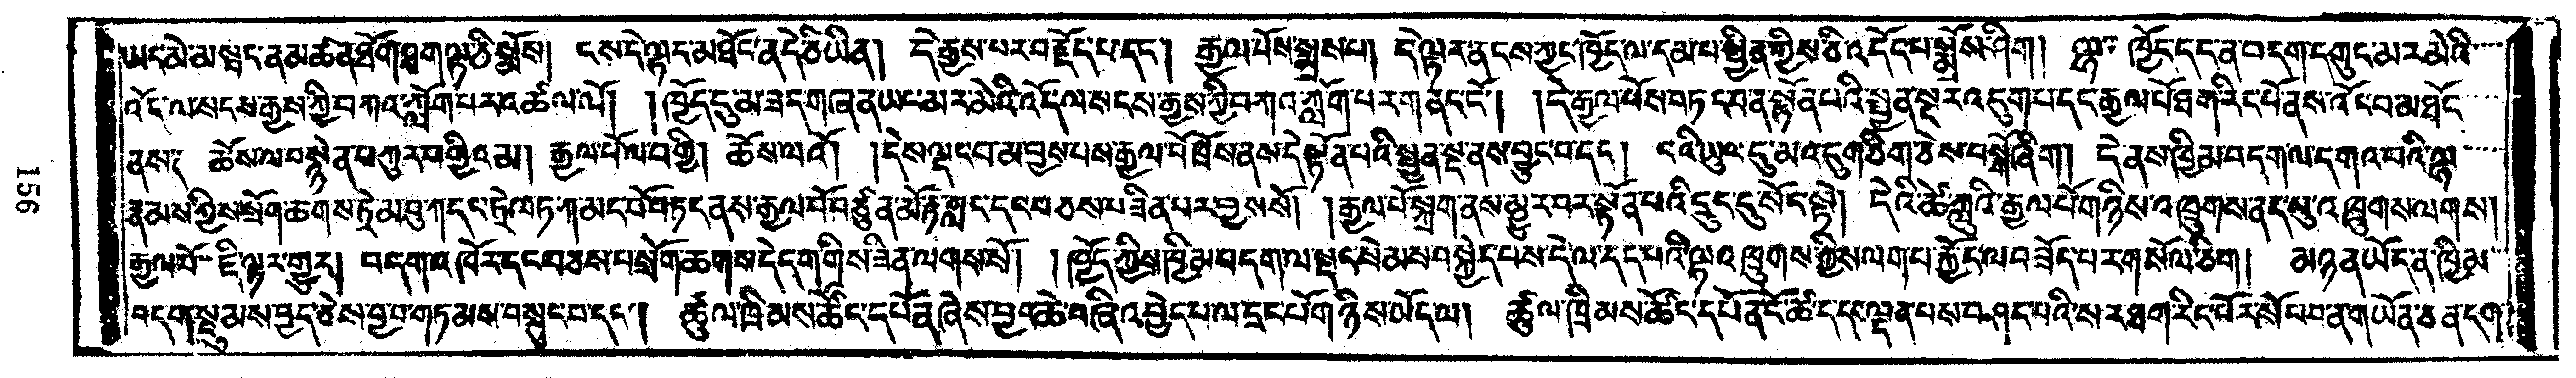ཡང་མེ་མ་སྦང་ན་མཚན་ཐོག་ཐག་ལྟ་ཅི་སྨོས། ངས་དེ་ལྟར་མཐོང་ན་དེ་ཅི་ཡིན། དེ་རྒྱས་པར་བརྗོད་པ་དང་། རྒྱལ་པོས་སྨྲས་པ། དེ་ལྟར་ནངས་ཀྱང་ཁྱོད་ལ་དམ་པ་སྦྱིན་གྱིས་ཅི་འདོད་པ་སྨྲོས་ཤིག། ལྷ༑ ཁྱོད་དང་ན་བདག་དགུང་མར་མེའི་
འོད་ལ་སངས་རྒྱས་ཀྱི་བཀའ་ཀློག་པར་འཚལ་ལོ། །ཁྱོད་དུ་མ་ཟད་གཞན་ཡང་མར་མེའི་འོད་ལ་སངས་རྒྱས་ཀྱི་བཀའ་ཀློག་པར་གནང་ངོ། །དེ་རྒྱལ་པོས་བཏང་བ་ན་སྟོན་པའི་སྤྱན་སྔར་འདུག་པ་དང་རྒྱལ་པོ་ཐག་རིང་པོ་ནས་འོང་བ་མཐོང་
ནས༑ ཆོས་ལ་བསྙེན་བཀུར་བགྱིའམ། རྒྱལ་པོ་ལ་བགྱི། ཆོས་ལའོ། །དེས་ལྡང་བ་མ་བྱས་པས་རྒྱལ་བོ་ཁྲོས་ནས་དེ་སྟོན་པའི་སྤྱན་སྡ་ནས་བྱུང་བ་དང་། ངའི་ཡུལ་དུ་མ་འདུག་ཅིག་ཅེས་བསྒོ་ཞིག། དེ་ནས་ཁྱིམ་བདག་ལ་དགའ་བའི་ལྷ་
རྣམས་ཀྱིས་སྲོག་ཆགས་ཏྲེ་མ་བུ་ཀ་དང་ཏྲེལ་ཏ་ཀ་མང་བོ་བཏང་ནས་རྒྱལ་བོ་བཙུན་མོ་རྟ་གླང་དང་བཅས་པ་ཟིན་པར་བྱས་སོ། །རྒྱལ་པོ་སྐྲག་ནས་མྱུར་བར་སྟོན་པའི་དྲུང་དུ་སོང་སྟེ། དེའི་ཚེ་ཀླུའི་རྒྱལ་པོ་གཉིས་འཁྲུགས་ནད་སུ་འཁྲུགས་ལགས།
རྒྱལ་པོ་ཇི་ལྟར་གྱུར། བདག་འཁོར་དང་བཅས་པ་སྲོག་ཆགས་དེ་དག་གིས་ཟིན་ལགས་སོ། །ཁྱོད་ཀྱིས་ཁྱིམ་བདག་ལ་སྡང་སེམས་བསྐྱེད་པས་དེ་ལ་དད་པའི་ལྷ་འཁྲུགས་ཀྱིས་ལག་པ་རྐྱོང་ལ་བཟོད་པར་གསོལ་ཅིག། མཉན་ཡོད་ན་ཁྱིམ་
བདག་སྡུམས་བྱད་ཅེས་བྱ་བ་གཏམས་བསྲུང་བ་དང་། ཚུལ་ཁྲིམས་ཚོང་དཔོན་ཞེས་བྱ་བ་ཆེ་བཞི་འབྱེད་པ་ལ་དྲང་པོ་གཉིས་ཡོད་ལ། ཚུལ་ཁྲིམས་ཚོང་དཔོན་ངོ་ཚད་དང་ལྡན་པས་བཤང་བའི་སར་ཐག་རིང་པོར་སོང་བ་ན་གཡོན་ཅན་དག་